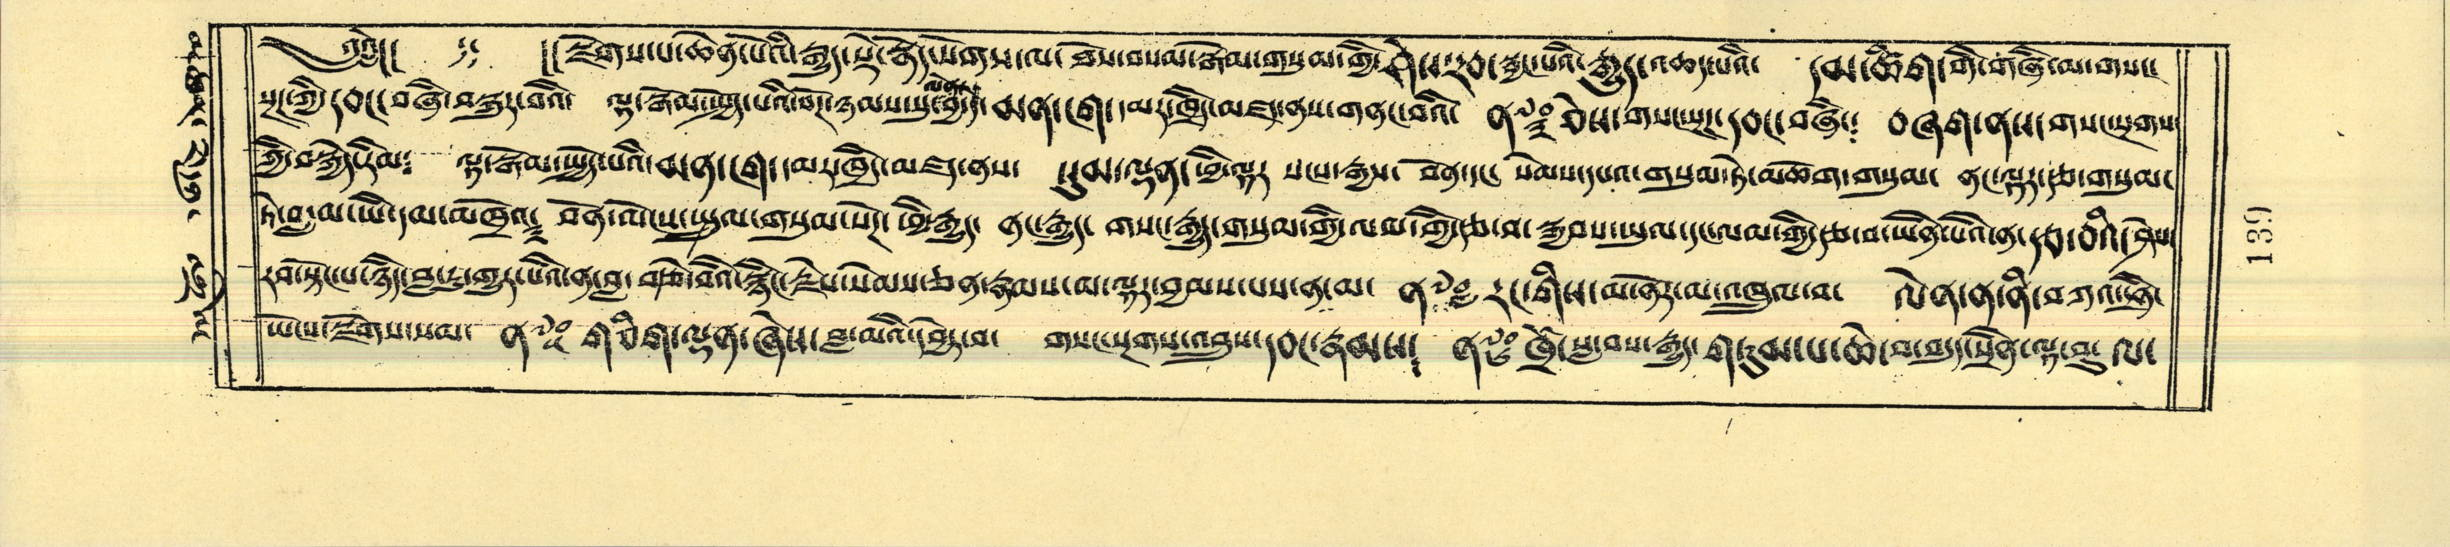རྫོགས་པ་ཆེན་པོའི་རྒྱུད་སྡེ་སྣོད་སོགས་ལ་ཐོས་བསམ་སྒོམ་གསུམ་གྱི་༼ཤེས་རབ༽སྦྱང་བའི་༼རྒྱུད༽འཆད་པའི་༼དམ་ཚིག༽གི་གཞི་ལ་གསང་
སྔགས་ལྟ་སྒོམ་སྤྱོད་པའི་༼མན་ངག༽དམར་ཁྲིད་མཛད་ནས་༼སུམ་ལྡན༽ཕྱི་ལྟར་སངས་རྒྱས་བོན་དང་སེམས་དཔའ་གསུམ་ཏེ་མཆོག་གསུམ་ནང་ལྟར་རྩ་གསུམ་
མཁའ་འགྲོ་གསུམ་བོན་ལོངས་སྤྲུལ་གསུམ་སོགས་ཕྱི་རྒྱུད་ནང་རྒྱུད་གསང་རྒྱུད་གསུམ་གྱི་ལམ་གྱི་རྩ་བ་སྐྱབས་ཡུལ་དང་ལམ་གྱི་རྩ་བ་ཡིན་པའི་ན་༼རྩ་བའི༽ཤེས་
རབ་སྟོང་པ་ཉིད་བླ་རུ་གྱུར་པའི་ན་བླ་བརྩེ་བའི་སྙིང་རྗེས་སེམས་ཅན་རྣམས་མ་ལྟར་བྱམས་པས་ན་མ་ན༧༠།༤༼རང་གིས༽མ་ནོར་མ་འཁྲུལ་བ།༼ལེན་ན་ནི༽བཀའ་དྲིན་
ཡོངས་རྫོགས་སམ་ན༧༠།༥༼གཅིག་ལྡན་ཞེས༽བླ་མའི་དབྱེ་བ་གསང་སྔགས་འབྲས་བུ་༼དབང་རྣམས༽ན༧༠།༦༼ཁྲོ༽སླ་བས་རྒྱུད་༼གཏུམ་པ་ཆེ༽བ་བདུད་སྲིན་ལྟ་བུ་༼ལ༽